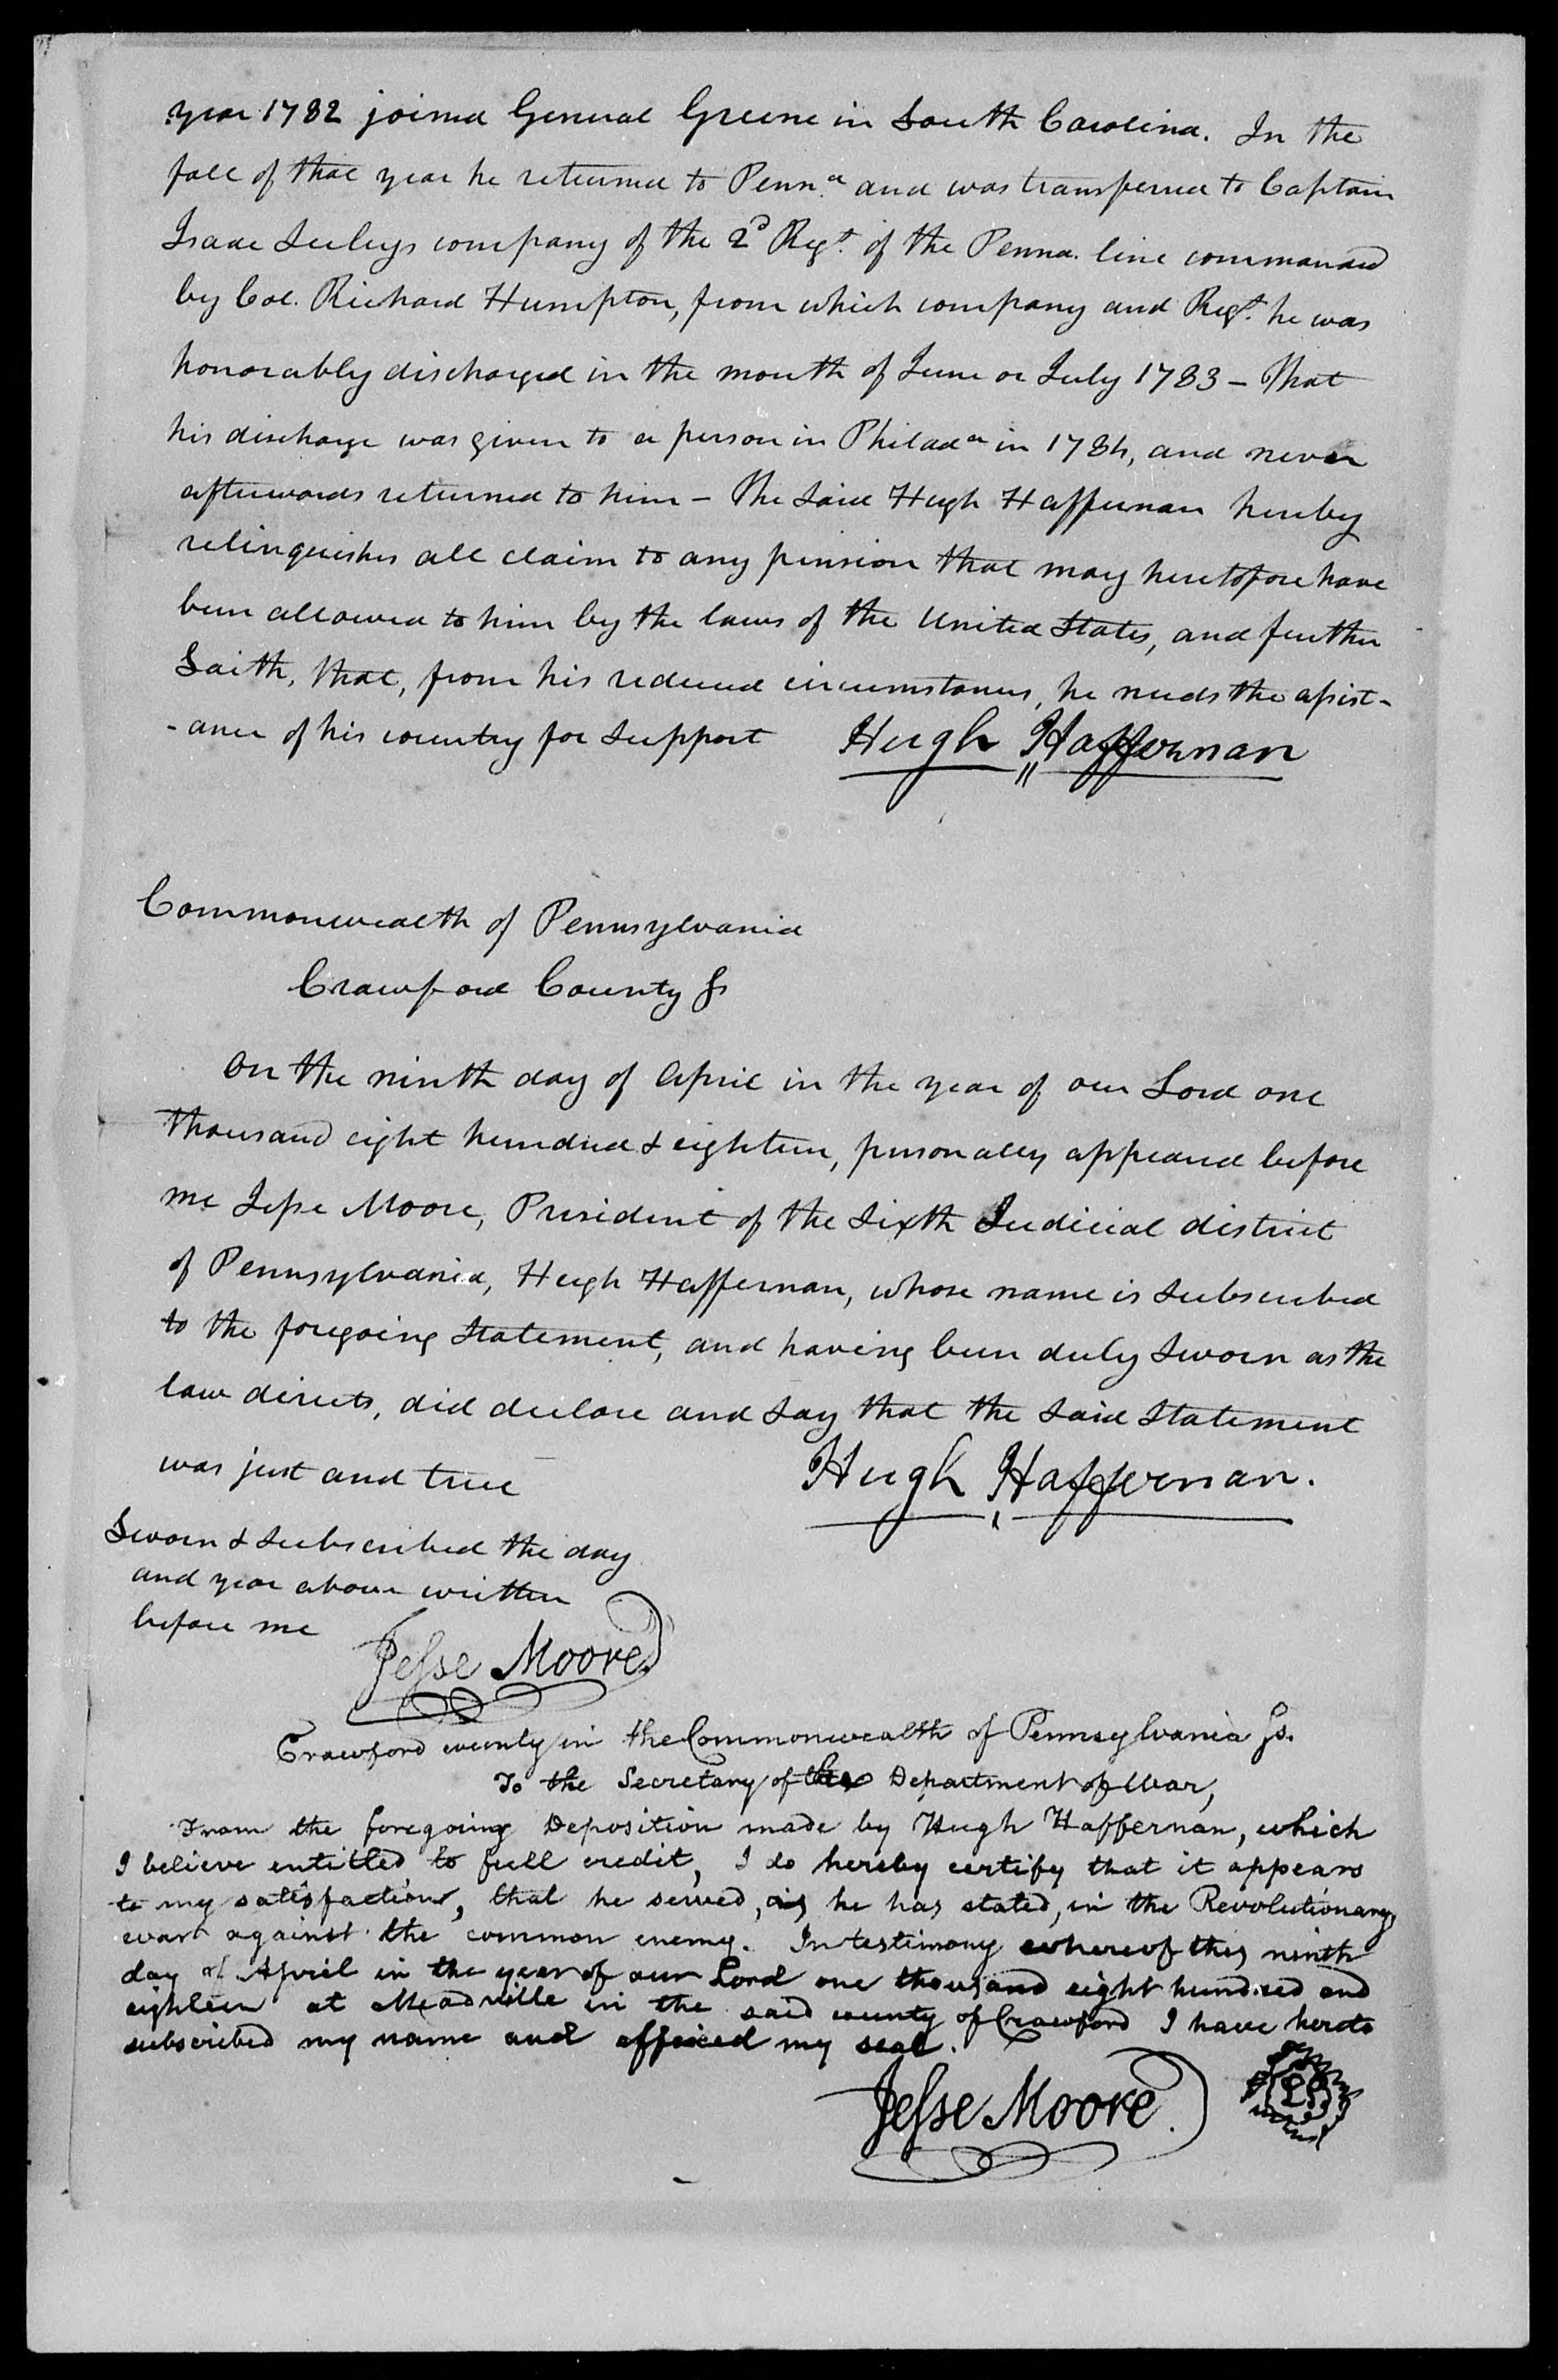year 1782 joined General Greene in South Carolina. In the
fall of that year he returned to Penna. and was transferred to Captain
Isaac Seely company of the 2d Regt of the Penna line commanded
by Col. Richard Humpton, from which company and Regt he was
honorably discharged in the month of June or July 1783- 
That his discharge was given to a person in Philada in 1786, and never
afterwards returned to him-- The said Hugh Haffernan hereby
relinquishes all claim to any pension that may heretofore have
been allowed to him by the laws of the United States, and further
saith, that, from his reduced circumstances, he needs the assistance of his country for support
Hugh Haffernan
"
Commonwealth of Pennsylvania
Crawford County ss
On the ninth day of April in the year of our Lord one thousand eight hundred & eighteen, personally appeared before
Jesse Moore, President of the Sixth Judicial district of Pennsylvania, Hugh Haffernan, whose name is subscribed
to the foregoing statement, and having been duly sworn as the law directs did declare and say that the side statement was just and true.
Hugh Haffernan

Sworn & Subscribed the day
and year above written
before me
Jesse Moore
⎬
Crawford County in
the Commonwealth of Pennsylvania ss
To the Secretary of the Department of War

From the foregoing Deposition made by Hugh Haffernan, which
I believe entitled to full credit, I do hereby certify that it appears
to my satisfaction, that he served, as he has stated, in the Revolutionary war
against the common enemy. In testimony whereof this ninth
day of April in the year of our Lord one thousand eight hundred and
eighteen at Meadville in the said County of Crawford. I have hereto
subscribed my name and affixed my seal
Jesse Moore
"seal"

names: Hugh Haffernan, Greene, Hugh Haffernan, Jesse Moore, Hugh Haffernan, Jesse Moore, Jesse Moore, Hugh Haffernan, Hugh Haffernan, Richard Humpton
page: 4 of 21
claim: rejected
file: R. 4419, Hugh Haffernan, Penn.